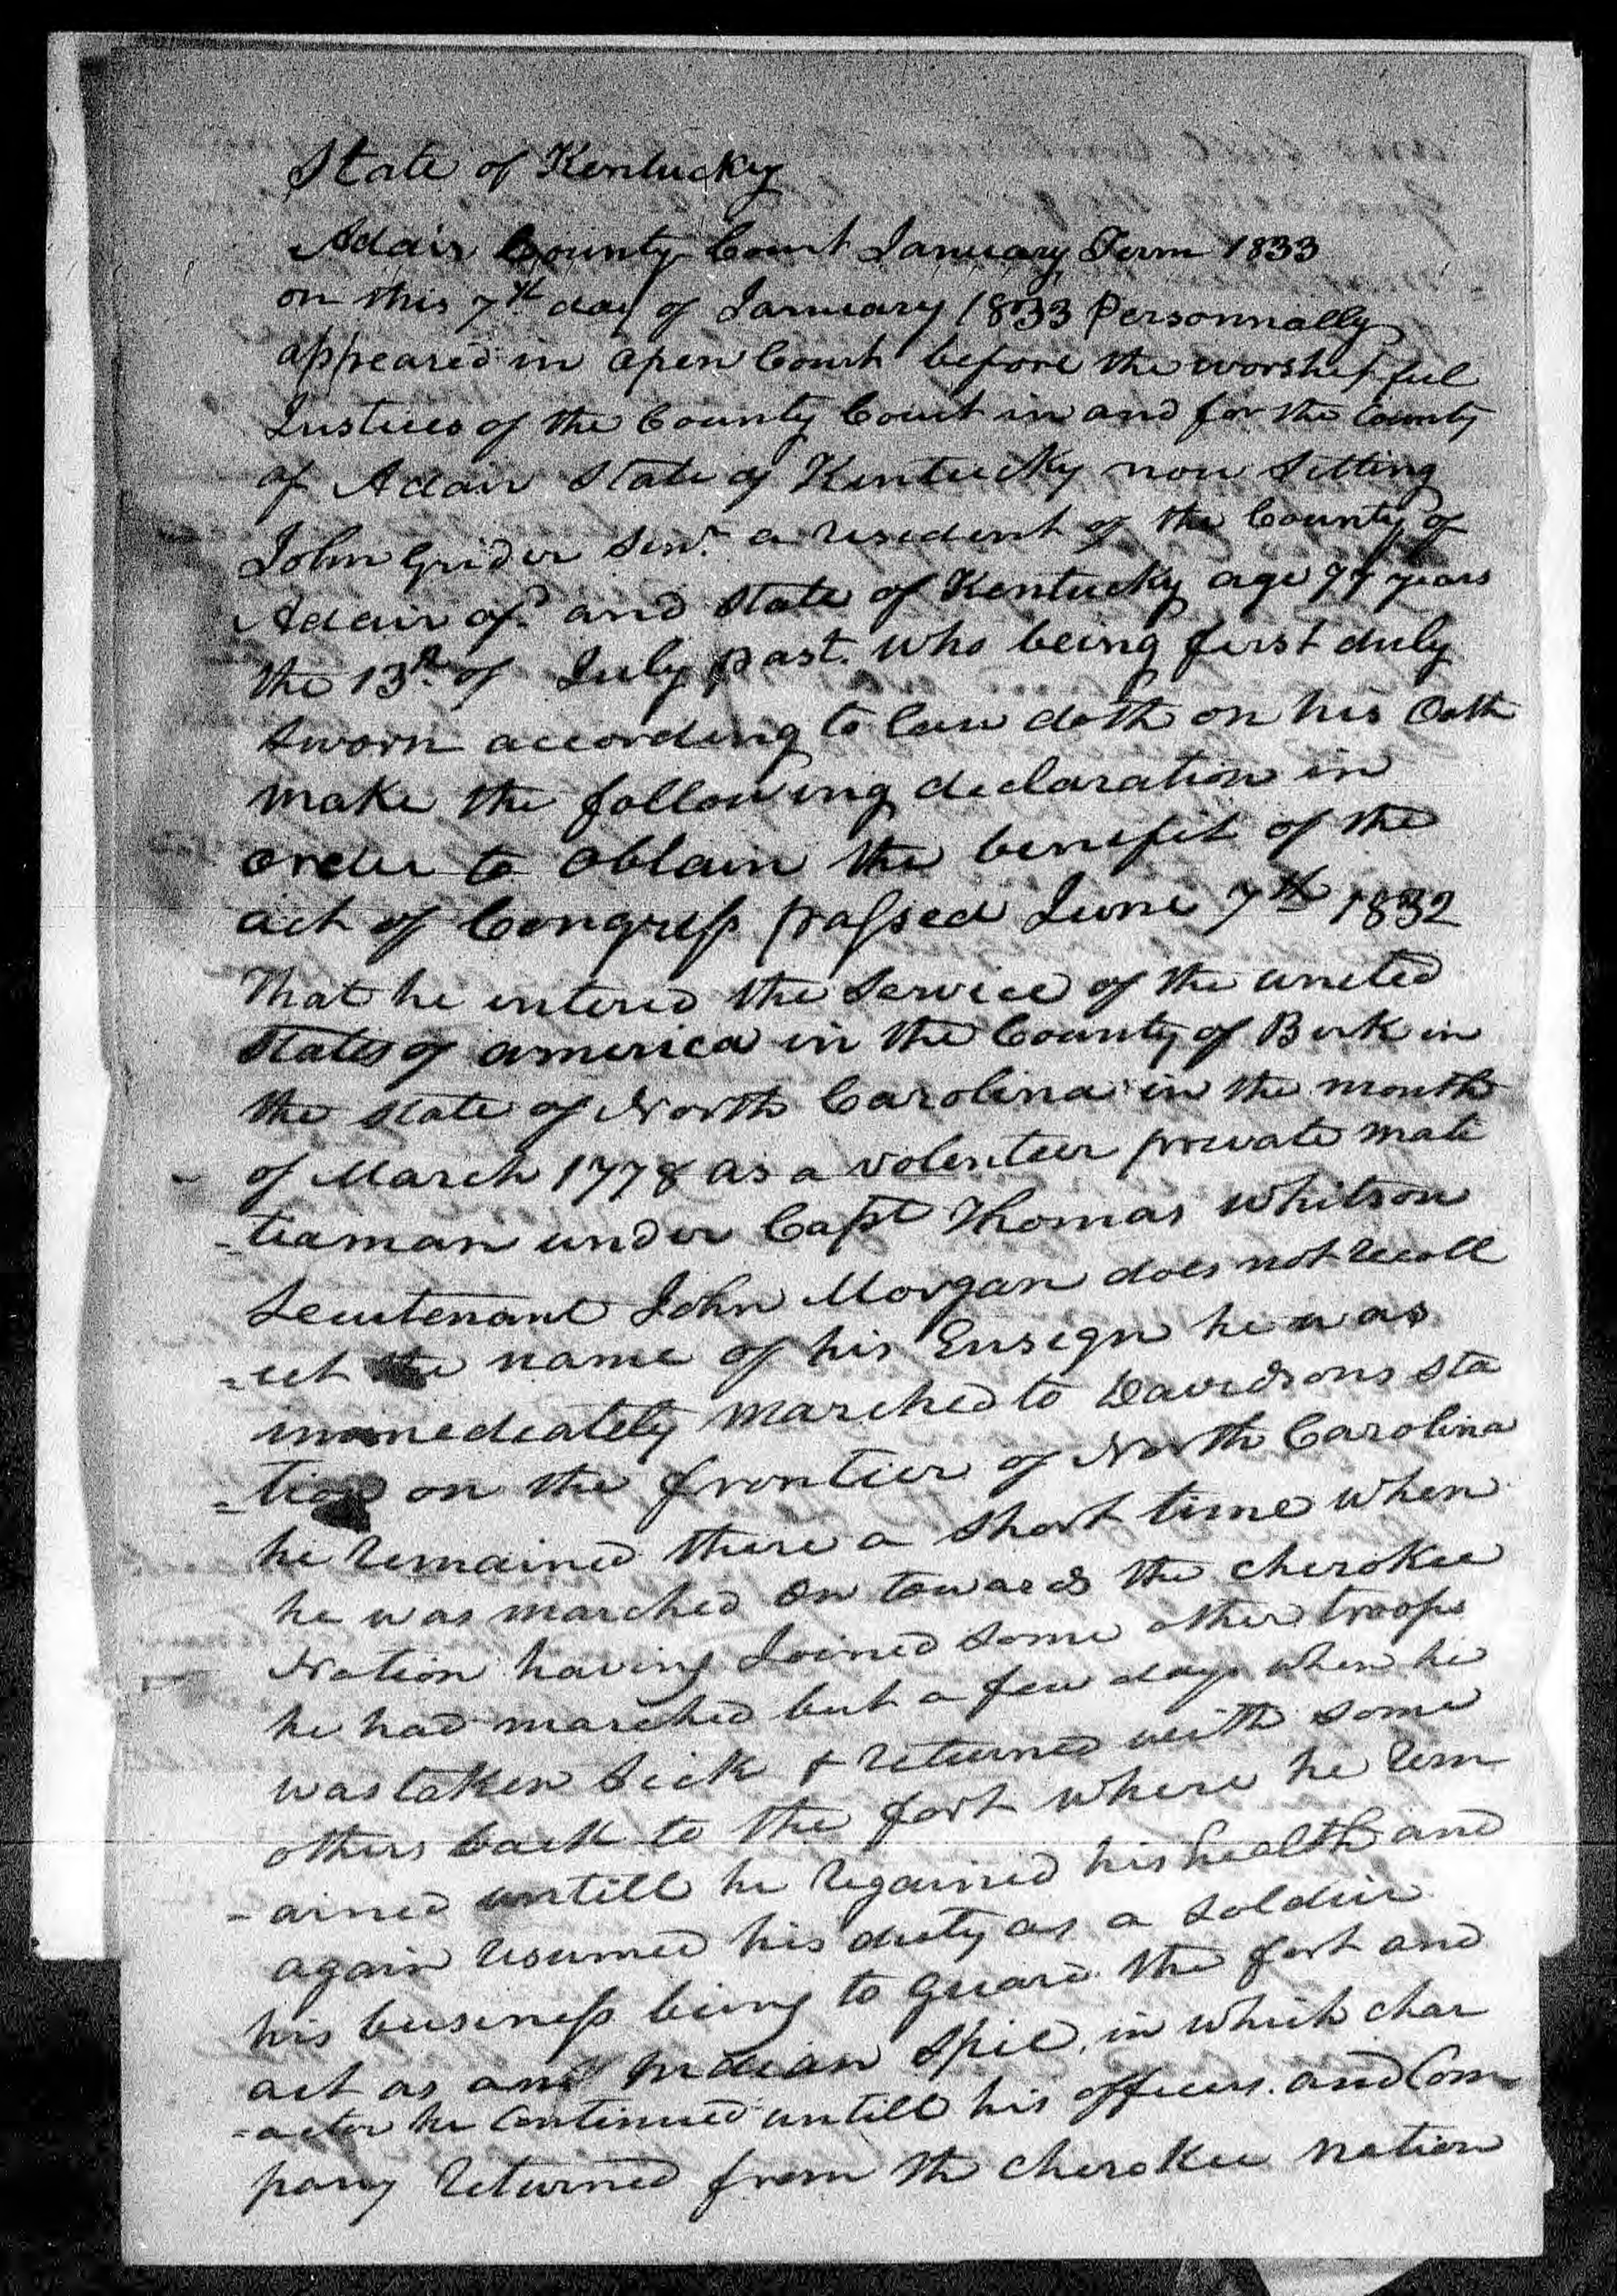State of Kentucky
Adair County Court January Term 1833
On this 7th day of January 1833 personally appeared in open court before the worshipful Justices of the County Court in and for the county of Adair State of Kentucky  now sitting John Grider [illegible] a resident of the county of Adair [illegible] and state of Kentucky age 97 years the 13th of July past.  Who being first duly sworn according to law doth on his oath make the following declaration in order to obtain the benefit of the act of Congress passed June 7th 1832. That he entered the service of the United States of America in the  county of Berk in the state of North Carolina  in the month of March 1778 as a volunteer private malitiaman [militiaman] under Capt Thomas Whitson Leuitenant [Lieutenant] John Morgan does not recollect the name of his ensign  he was immediately marched  to Davidsons station on the frontier of North Carolina  he remained there a short time when hew as marched on toward the cherokee nation having joined some other troops he had marched but a few days when he was taken sick and returned  with some others  back to the fort where he remained untill [until] he regained his health and again resumed his duty as a soldier his business being to guard the fort and act as an Indian Spie [spy], in which character he continued untill[ until] his officers and company returned from the cherokee nation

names: John Morgan, Thomas Whitson, John Grider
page: 8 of 91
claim: widow's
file: W 358, John Grider, N.C.